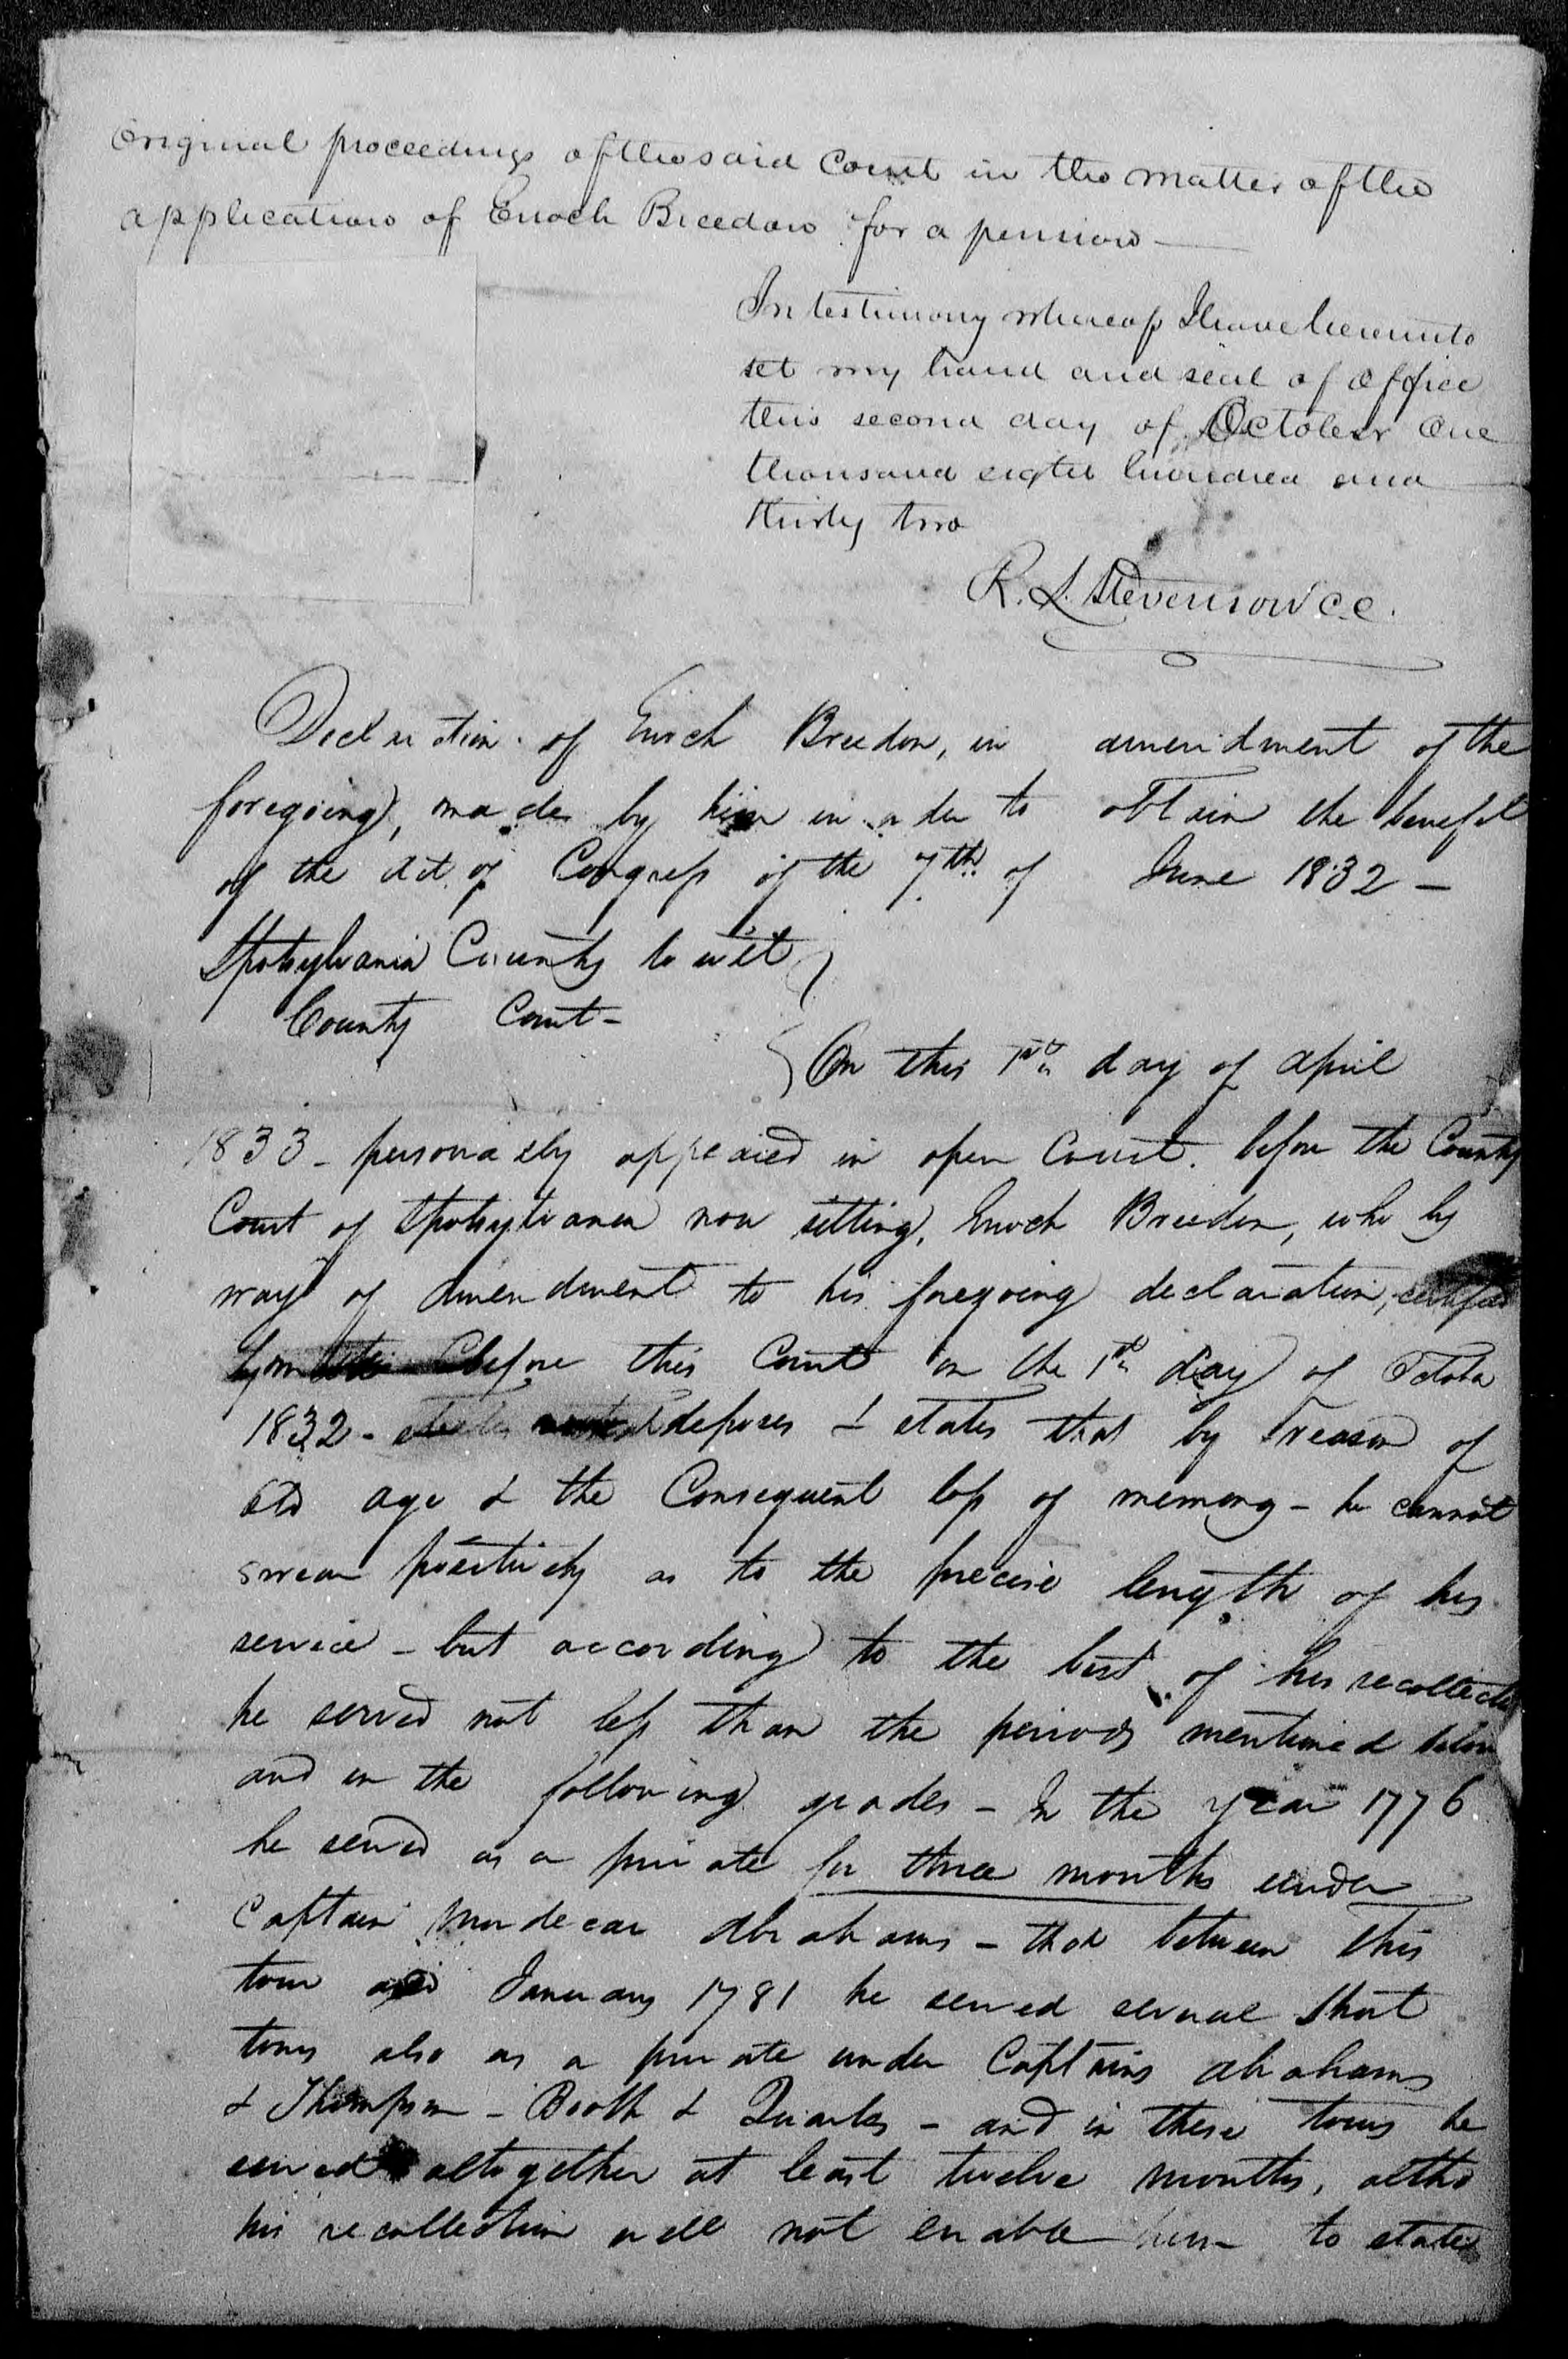Original proceedings of the said Court in the matter of the application of Enoch Breedon for a pension -
In testimony whereof I have herewitherto set my hand and seal of office this second day of October One thousand eight hundred and thirty two 
R. S. Stevenson c.e.

Declaration of Enoch Breedon, in amendment of the foregoing, made by him in order to obtain the benefit to of the Act of Congress of the 7th of June 1832- Spotsylvania County to wit County Court 

On this 7th day of April 1833 personally appeared in open Court before the County Court of Spotsylvania now sitting, Enoch Breeden, who by way of amendment to his foregoing declaration certified by [?] before this Court on the 1st day of October 1832. The [?] deposes I states that by reason of old age & the Consequent loss of memory - he cannot swear positively as to the precise length of his service - but according to the best of his recollection he served not less than the periods mentioned below and in the following grades - In the year 1776 he served as a private for three months under Captain Mordecai Abrahams - thou between this tour and January 1781 he served several short times also as a private under Captains Abrahams & Thompson - Booth & Quarks - and in these tours he served altogether at least twelve months, altho his recollection will not enable him to state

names: Mordecai Abrahams, Booth, Thompson, Quarles, Enoch Breedon, Abrahams, Enoch Breedon, Enoch Breedon, R L Stevenson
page: 8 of 27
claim: survivor's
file: S. 1747, Enoch Breeden, Va.